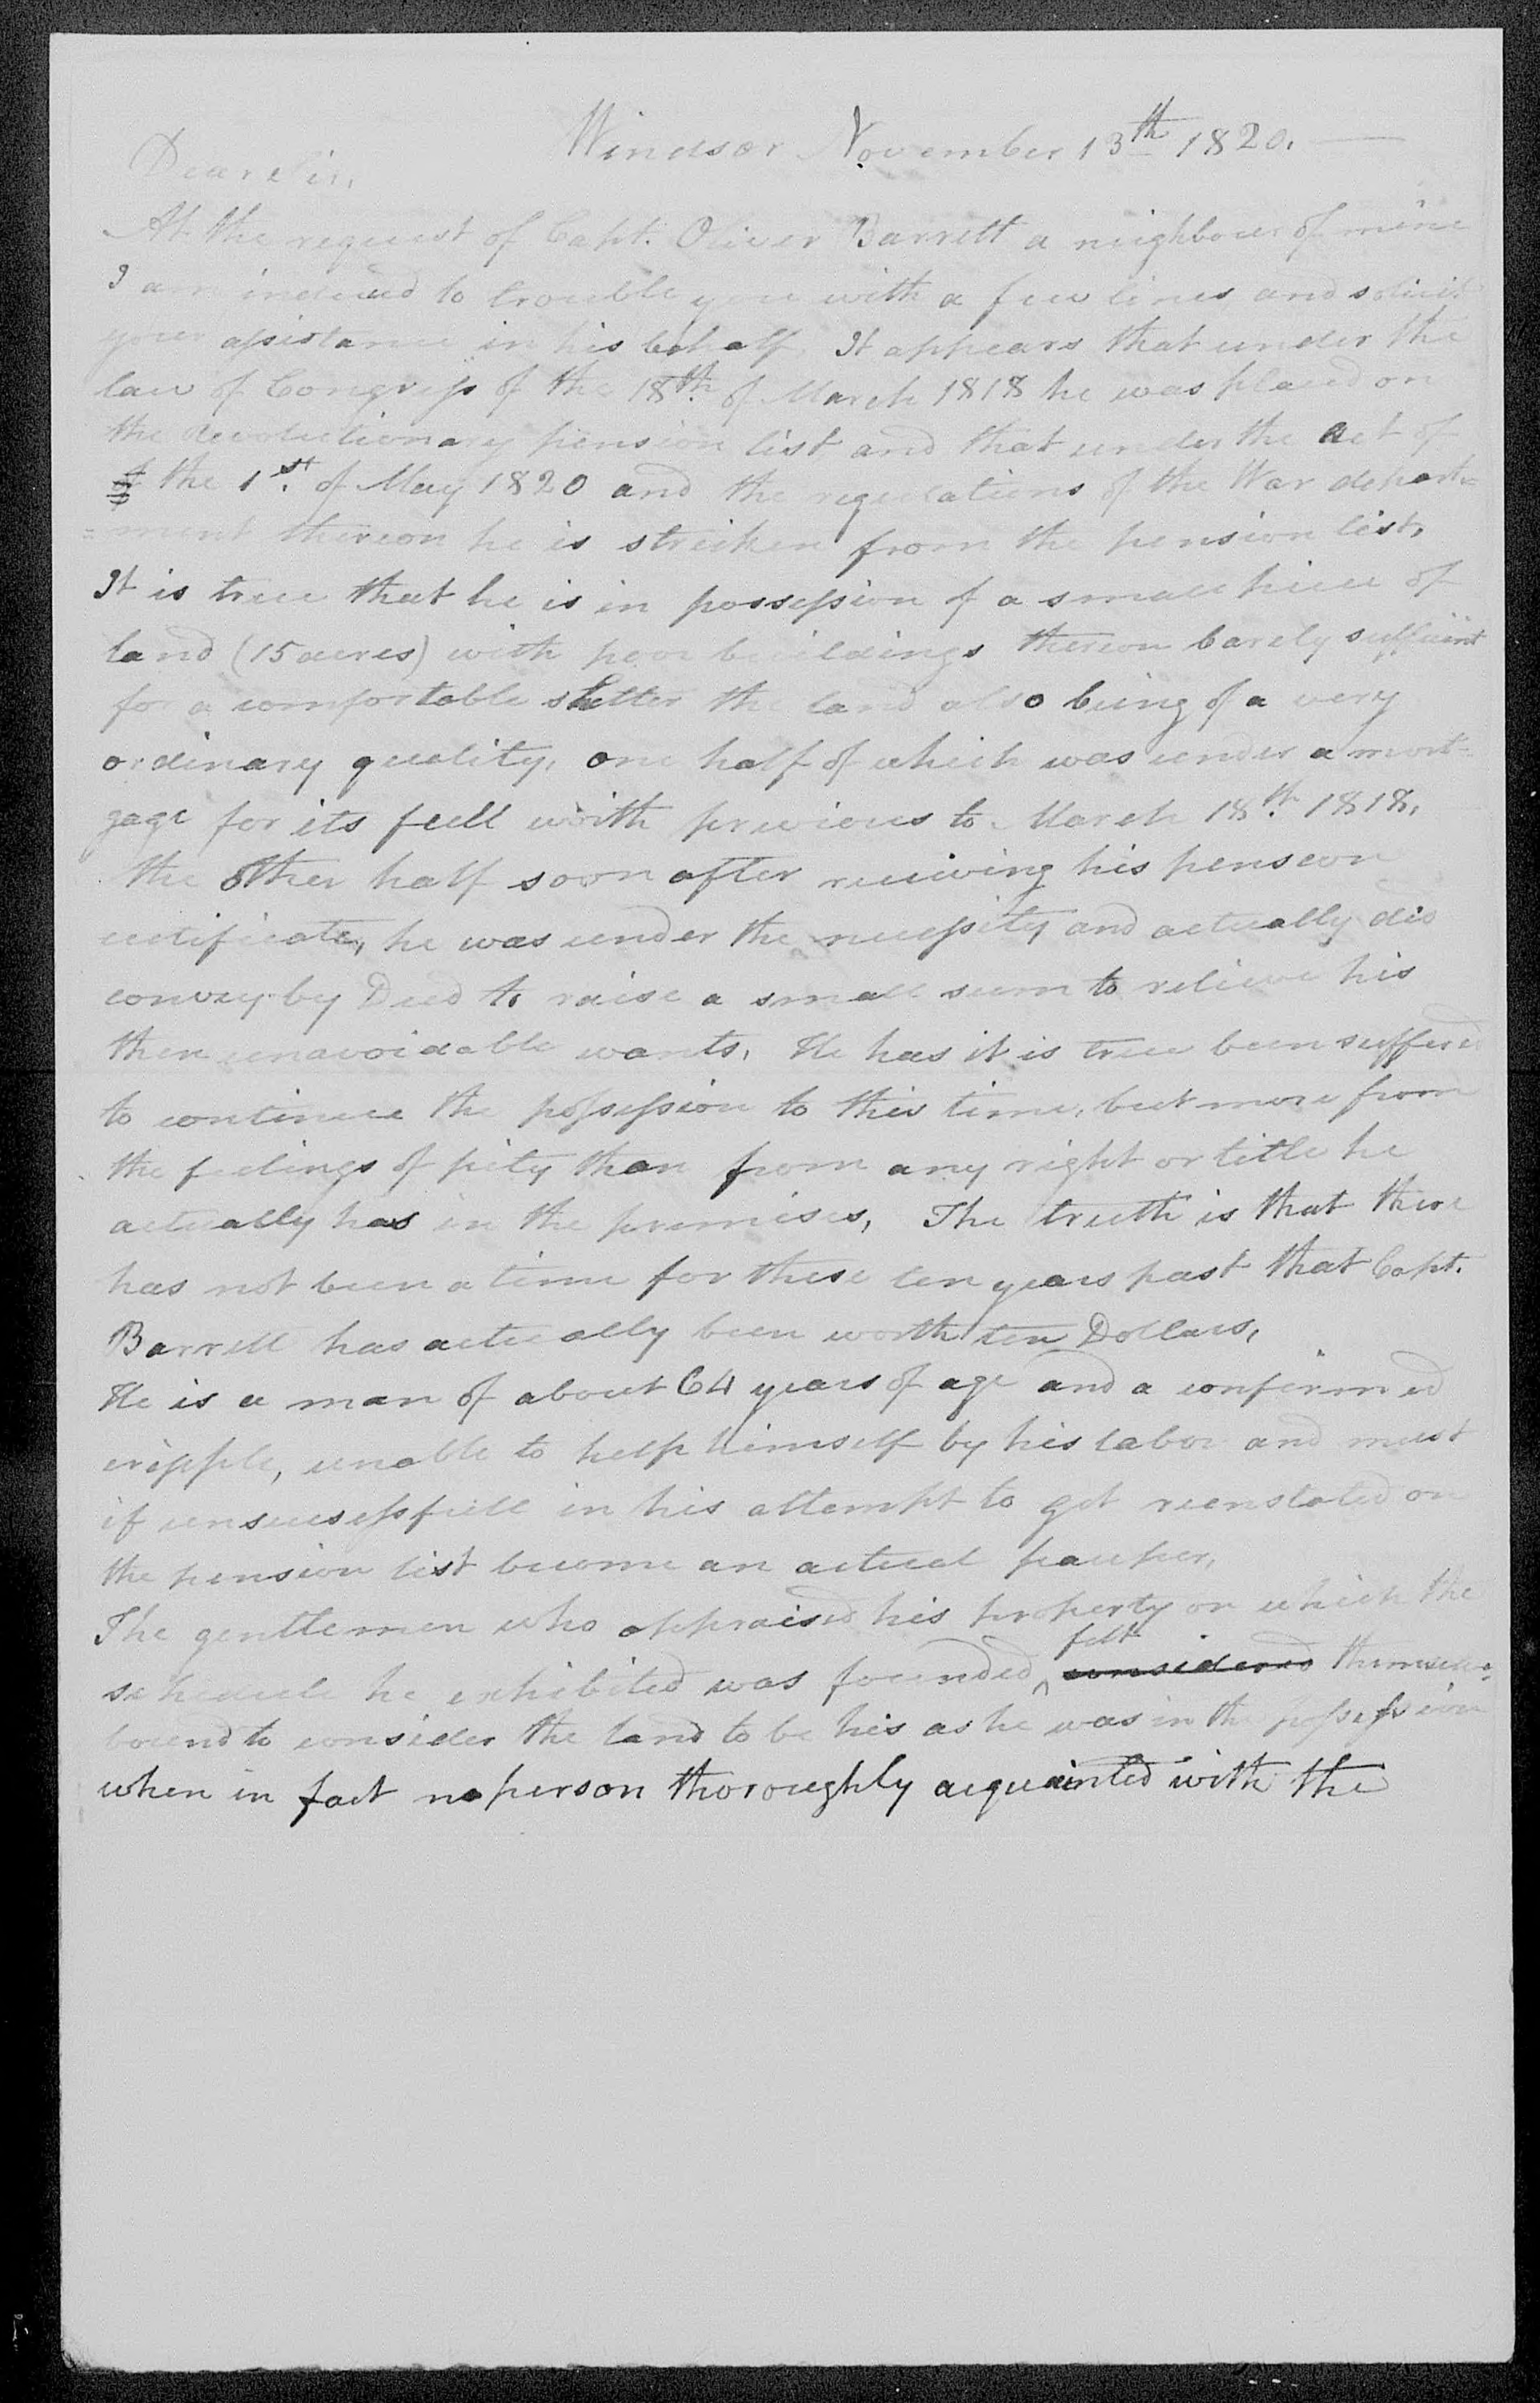Windsor November 13th 1820

Dear Sir,
At the request of Capt. Oliver Barrett a neighbor of mine I am induced to trouble you with a few lines and seek your assistance in his behalf. It appears that under the law of Congress of the 18th of March 1818 he was placed on the revolutionary pension list and that under the Act of the 1st of May 1820 and the regulations of the war department thereon he is stricken from the pension list. It is here that he is in possession of a small hill of land (15 acres) with poor buildings thereon barely sufficient for a comfortable shelter the land also being of a very ordinary quality, one half of which was under a mortgage for its full worth previous to March 18th 1818, the other half soon after receiving his pension certificate he was under the necessity and actually discovery by deed to raise a small sum to relieve his then unavoidable wants, He has it is  twice been suffered to continue the possession to their time best more from the feelings of pity than from any right or title he actually has in the premises. The truth is that there has not been a time for these ten years past that Capt. Barrett has actually been worth ten Dollars. He is a man of about 64 years of age and a confirmed cripple, unable to help himself by his labor and must if unsuccessful in  his attempt to get reinstated on the pension list become an actual pauper. The gentleman who appraised his property or which the schedule he exhibited was founded felt themselves bound to consider the land to be his as he was in the possession when in fact no person thoroughly acquainted with the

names: Barrett, Oliver Barrett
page: 22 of 83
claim: widow's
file: W. 10,384, Oliver Barrett, Continental (Vt.) N.Y.